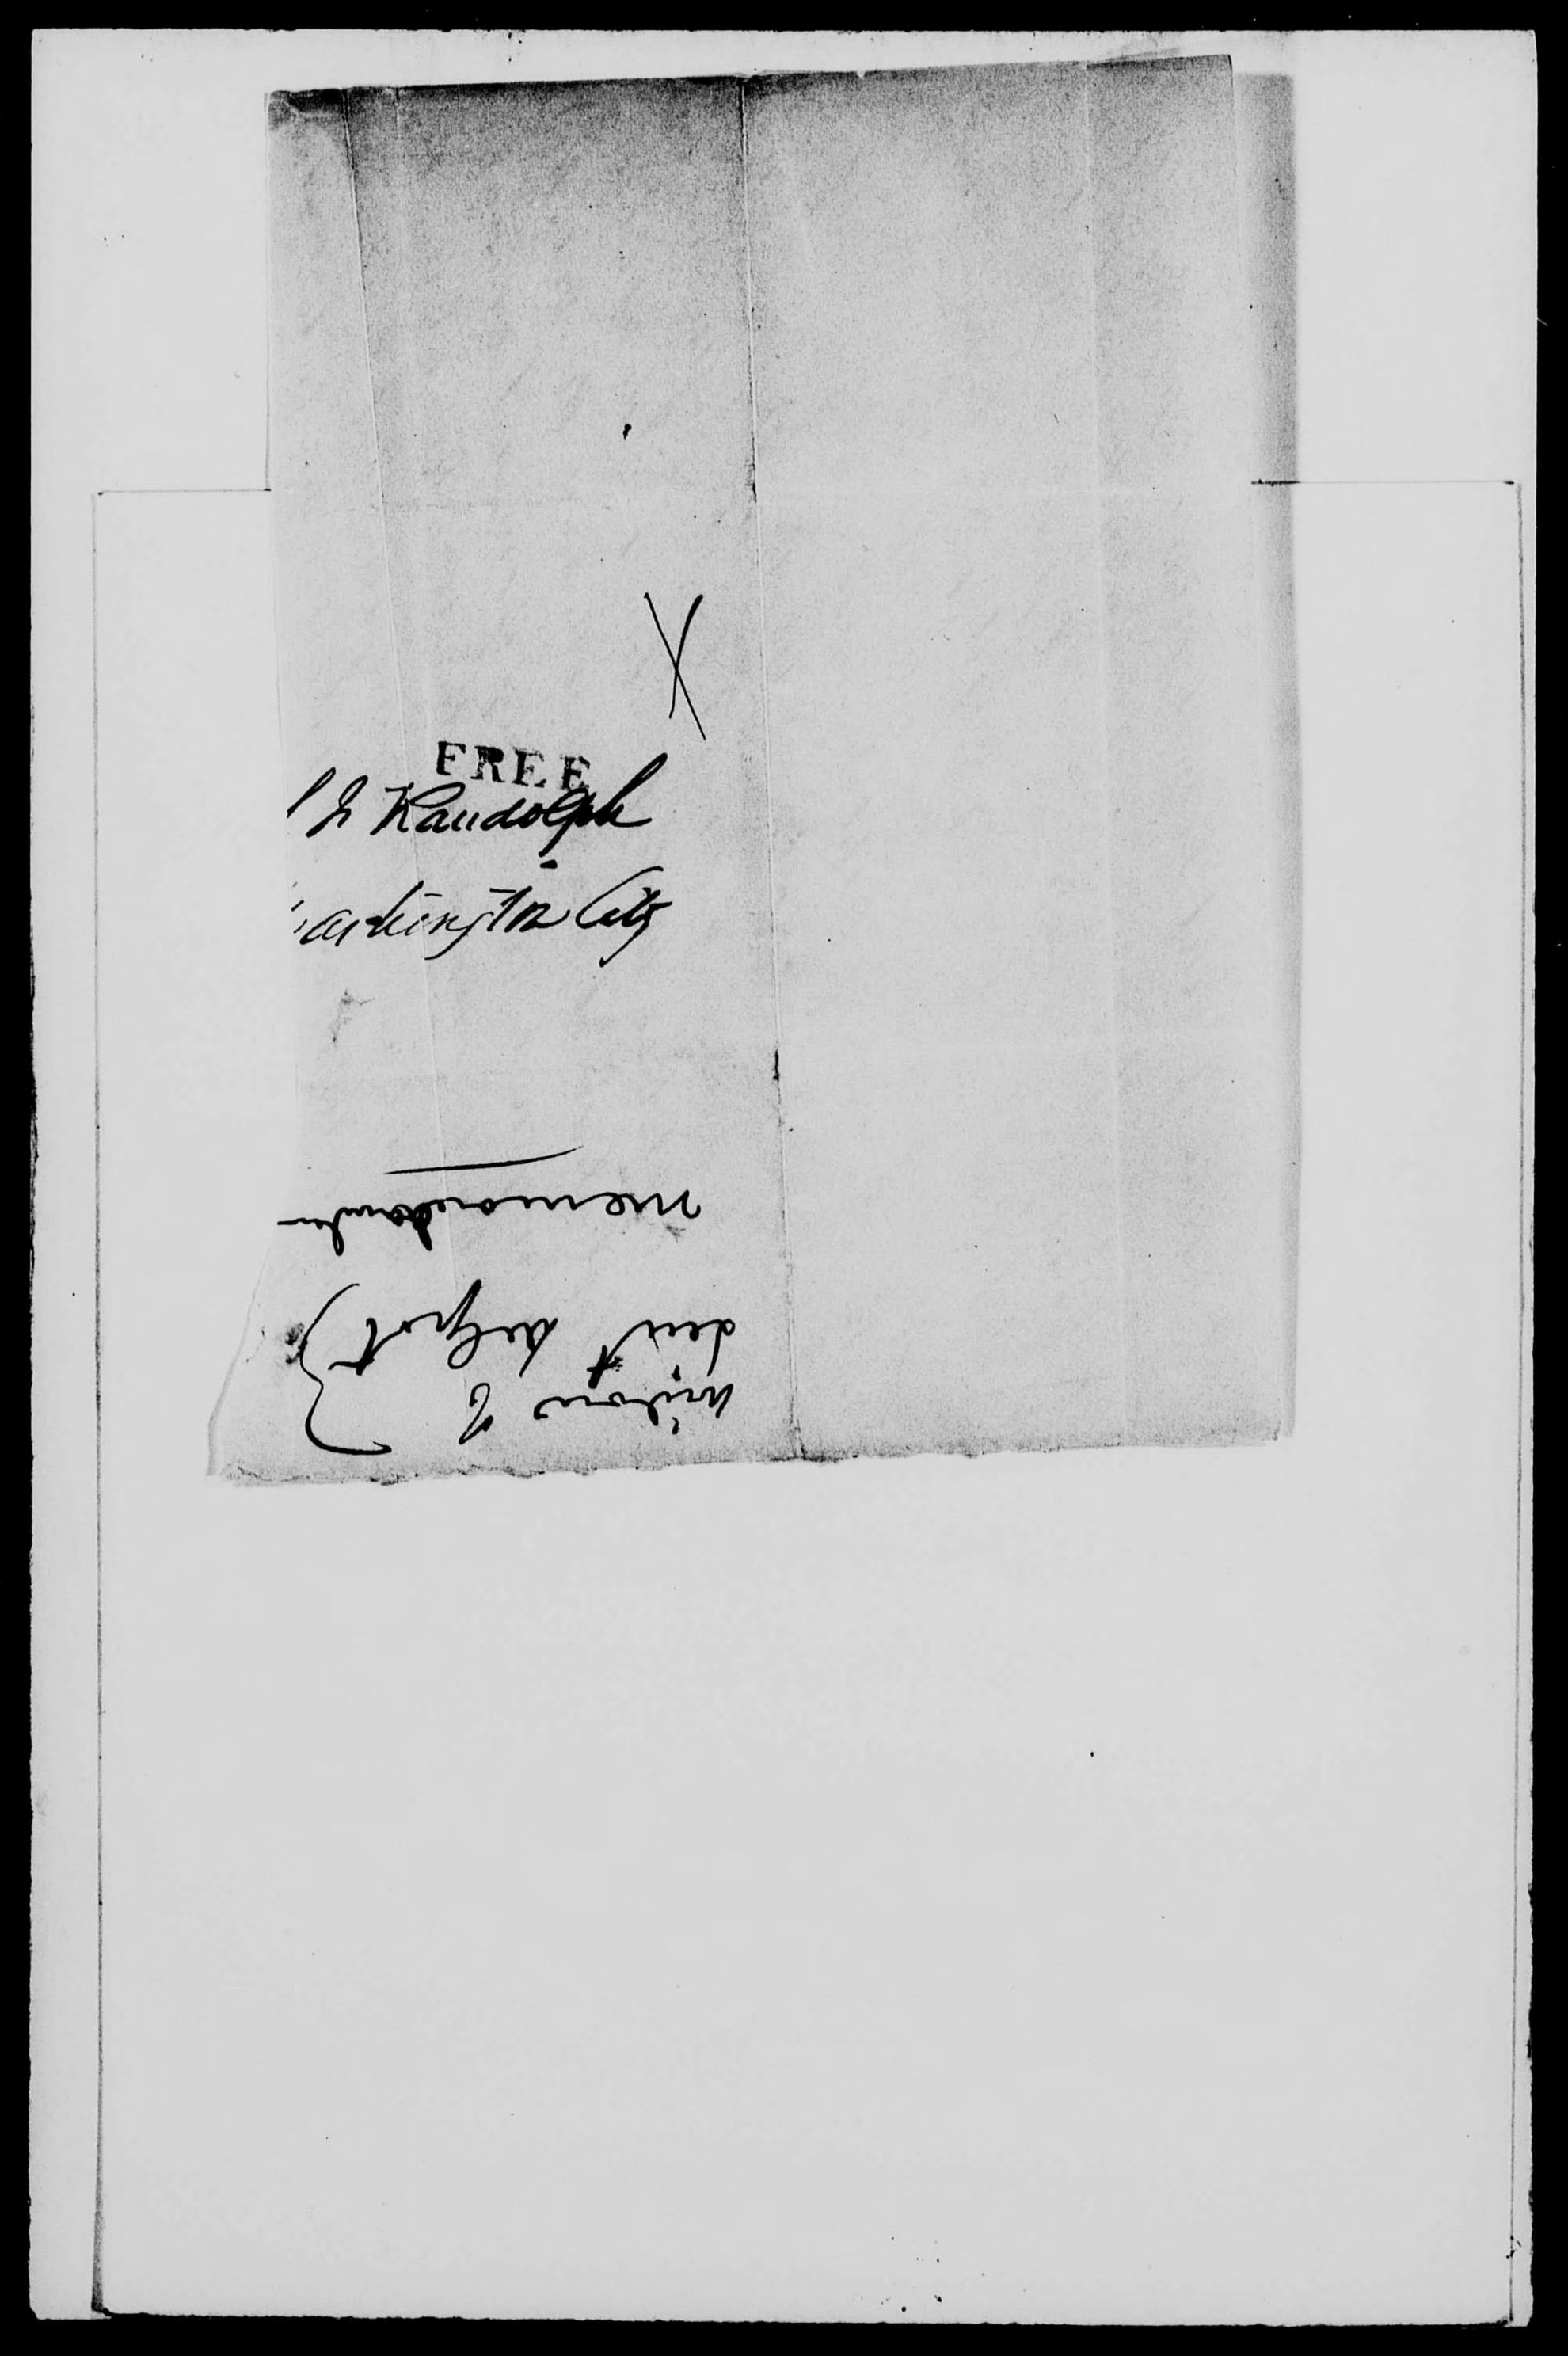FREE
J F Randolph
Washington City

widow of 
Lieut Degroot
memorabilia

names: De Grot, J F Randolph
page: 19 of 77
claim: widow's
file: W. 417, William De Groot, New Jersey